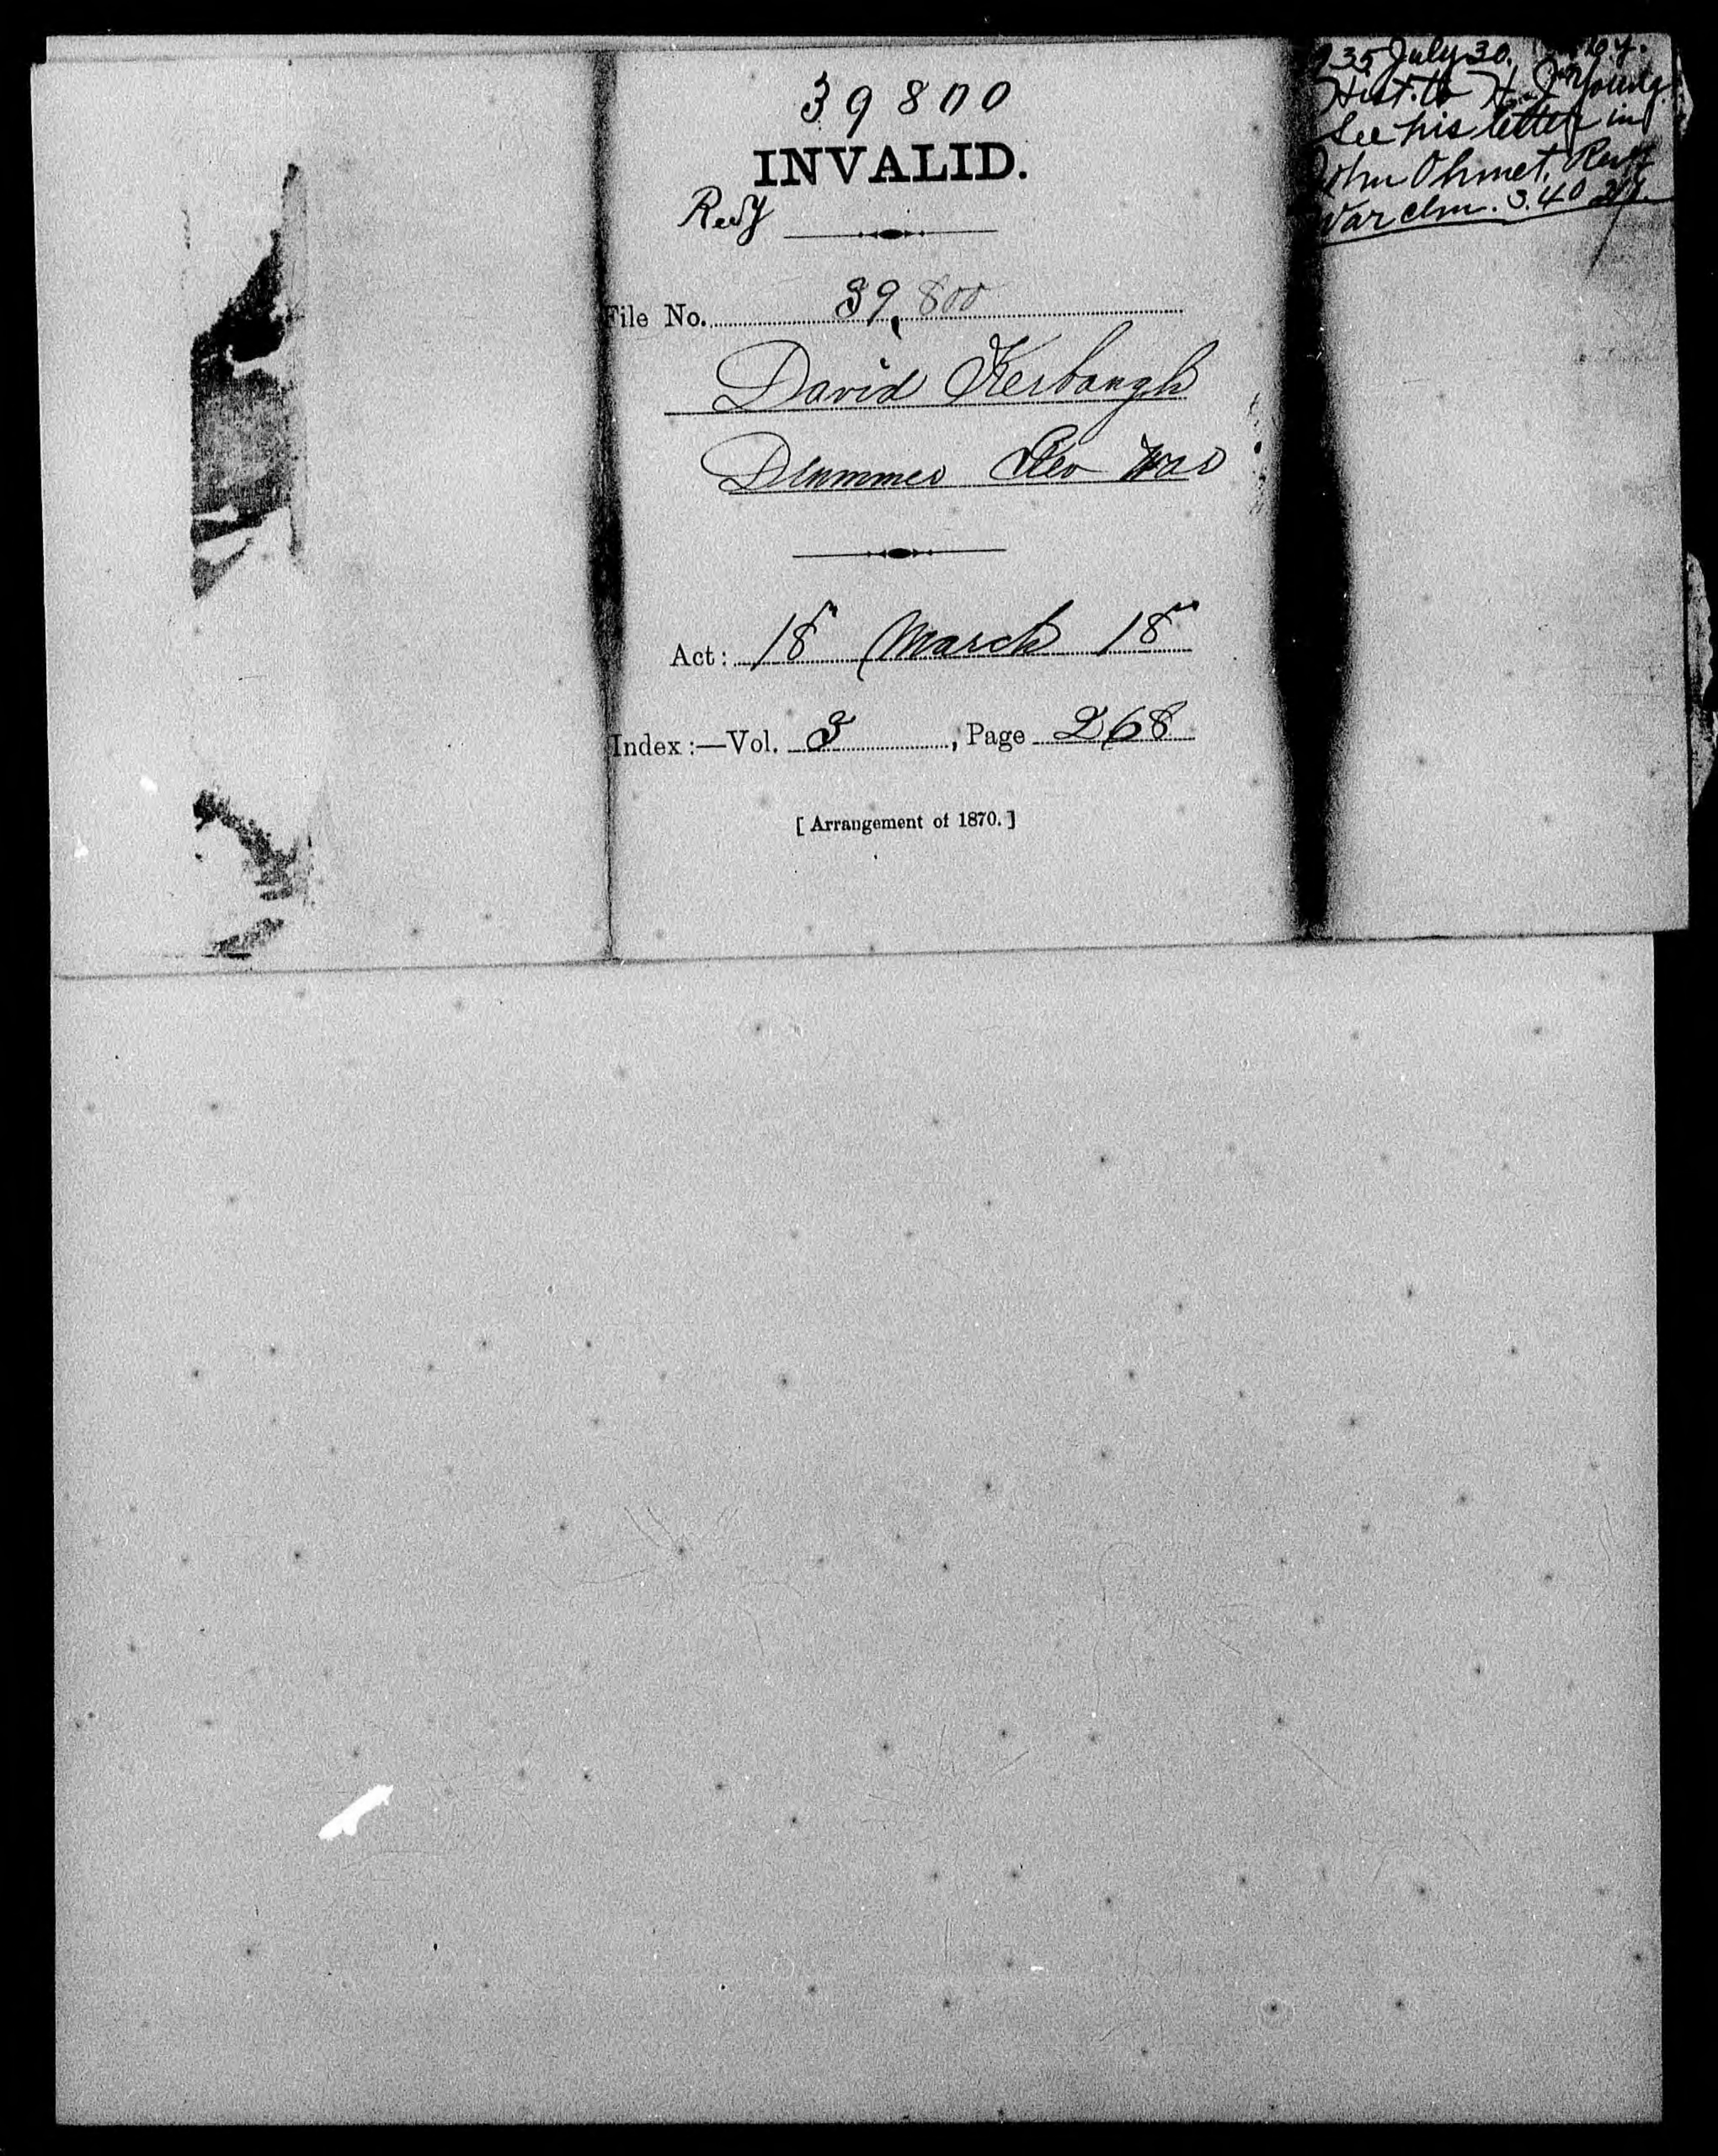File No. 39,800
David Kerbaugh
Drummer  Rev.  War

Act: 18 March 1818
Index:-Vol. 3, Page 268

{Arrangement of 1870}

1935 July 30, (illegible)
Hist. to H.J. Young 
see his letter in 
John Ohmet, Rev. War clm. 3.40  2/18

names: David Kerbaugh; John Ohmet; H J Young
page: 13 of 13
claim: survivor's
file: S. 39,800, for David Kerbaugh, Pennsylvania